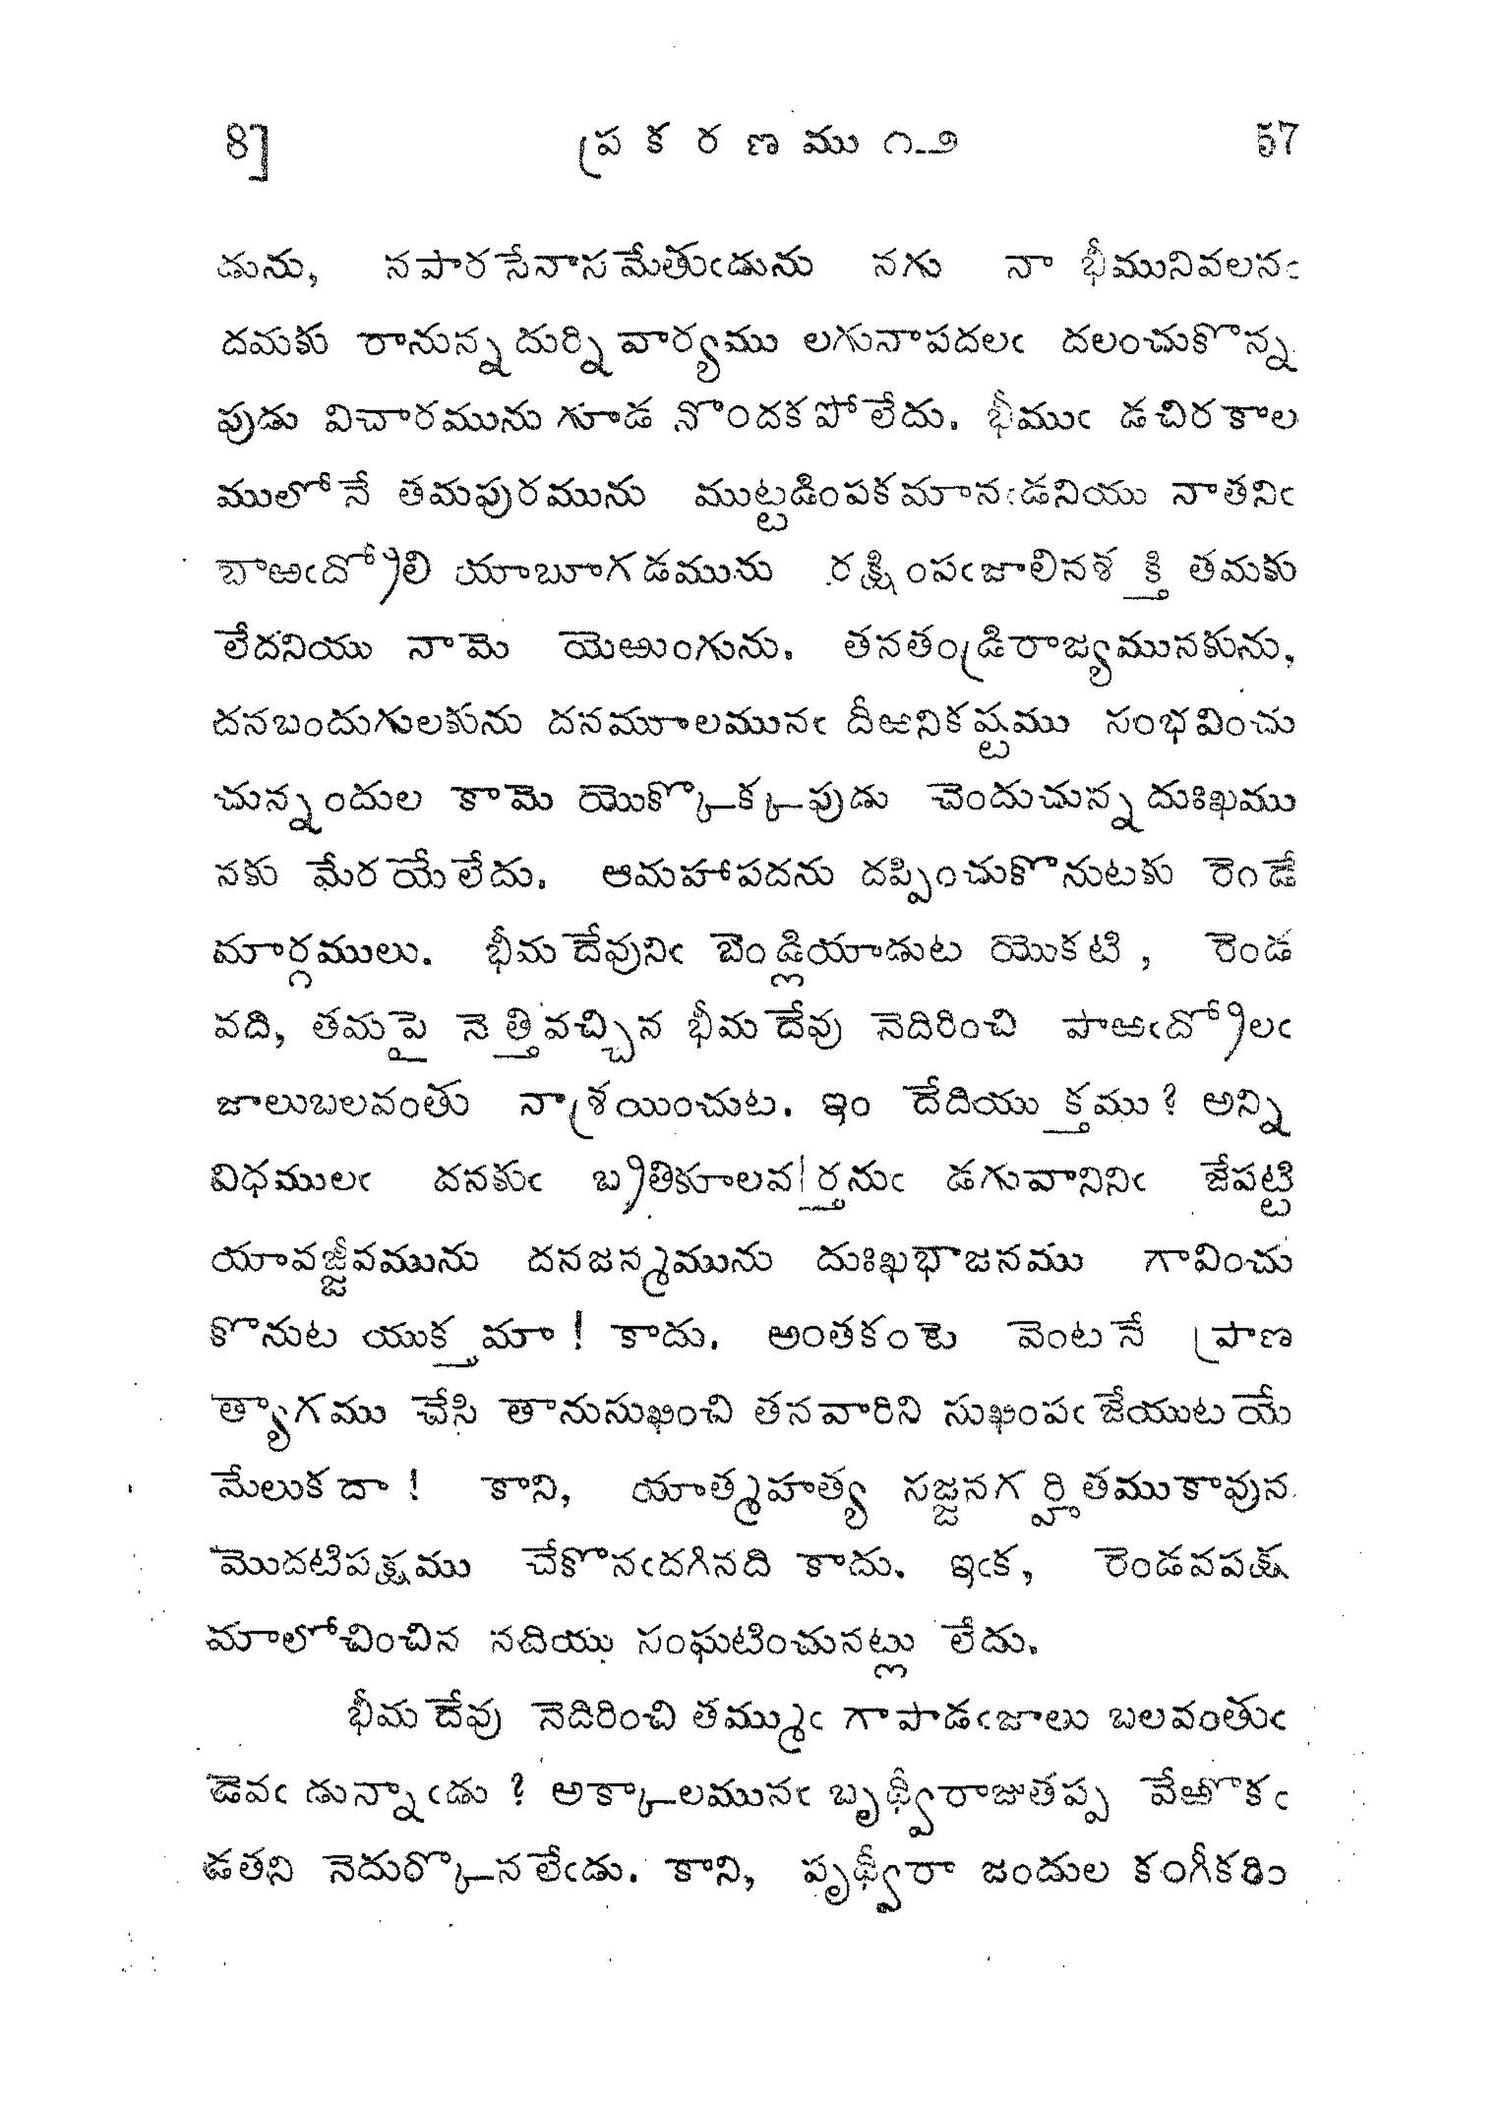డును, నపార సేనాసమేతుఁడును నాభీమునివలనదమకు రానున్న దుర్ని వార్యము లగునాపదలఁ దలంచుకొన్నపుడు విచారమును గూడ నొందక పోలేదు. భీముఁ డచిరకాలములోనే తమపురమును ముట్టడింపకమానడనియు నాతనిఁబోఱఁద్రోలి యీబూగడమును రక్షింపఁ జాలినశ క్తితమకు లేదనియు నా మె యెఱుంగును. తనతండ్రి రాజ్యమునకును,దనబందుగులకును దనమూలమునఁ దీఱనికష్టము సంభవించుచున్నందుల కామె యొక్కొక్కపుడు చెందుచున్న దుఃఖమునకు మేరయే లేదు. ఆమహాపదను దప్పించుకొనుటకు రెండే మార్గములు. భీమ దేవునిఁ బెండ్లియాడుట యొకటి , రెండవది, తమపై నెత్తి వచ్చిన భీమ దేవు నెదిరించి పాజఁద్రోలఁజాలు బలవంతు నాశ్రయించుట. ఇం దేదియు క్తము ? అన్నివిధముల దనకుఁ బ్రతికూలవ ర్తనుఁ డగువానినిఁ జేపట్టియావజ్జీవమును దనజన్మమును దుఃఖభాజనము గావించుకొనుట యుక్త మా ! కాదు. అంతకంటె వెంట నే ప్రాణ
త్యాగము చేసి తానుసుఖించి తన వారిని సుఖంపఁ జేయుటయేమేలుక దా!

కాని, యాత్మహత్య సజ్జనగర్జితము కావునమొదటి పక్షము చేకొనఁదగినది కాదు. ఇక, రెండవపక్ష
మాలోచించిన నదియు సంఘటించునట్లు లేదు.భీమ దేవు నెదిరించి తమ్ముఁ గాపాడఁజాలు బలవంతుచెవఁ డున్నాఁడు ? అక్కాలమునఁ బృథ్వీరాజుతప్ప వేఱొక్కడతని నెదుర్కొన లేఁడు. కాని, పృథ్వీరా జందుల కంగీకరిం